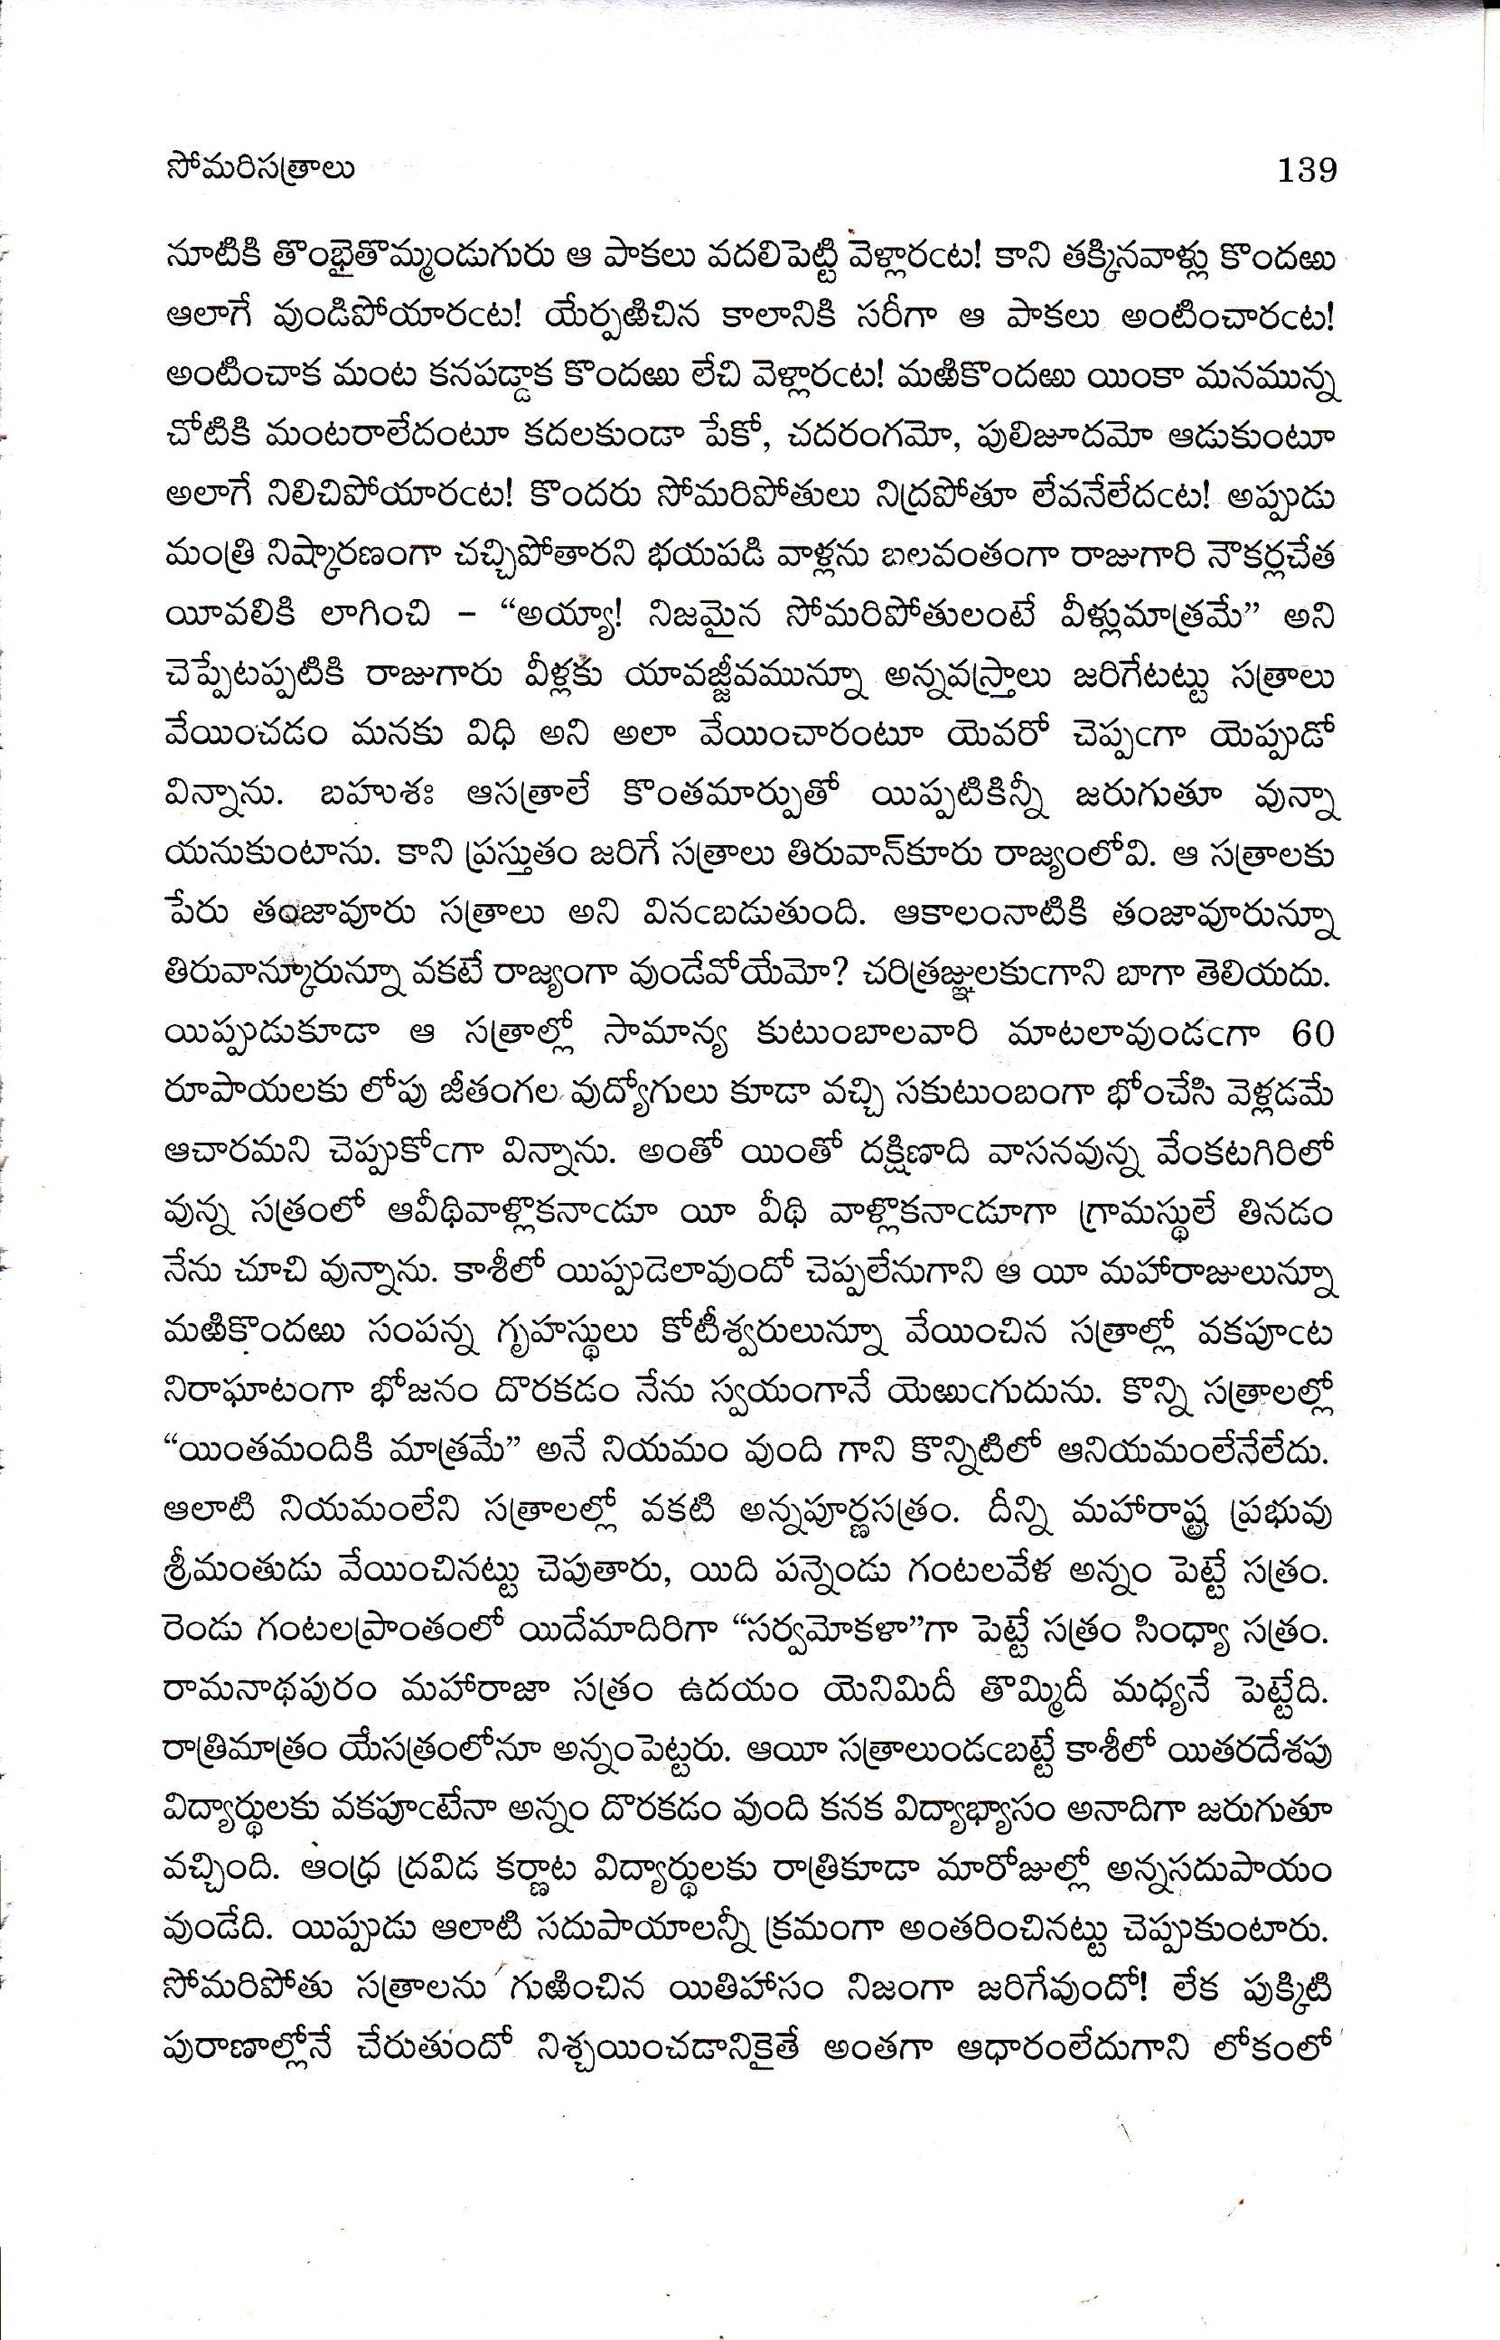నూటికి తొంభైతొమ్మండుగురు ఆ పాకలు వదలిపెట్టి వెళ్లారఁట! కాని తక్కినవాళ్లు కొందఱు ఆలాగే వుండిపోయారఁట! యేర్పఱిచిన కాలానికి సరీగా ఆ పాకలు అంటించారఁట! అంటించాక మంట కనపడ్డాక కొందఱు లేచి వెళ్లారఁట! మఱికొందఱు యింకా మనమున్న చోటికి మంటరాలేదంటూ కదలకుండా పేకో, చదరంగమో, పులిజూదమో ఆడుకుంటూ అలాగే నిలిచిపోయారఁట! కొందరు సోమరిపోతులు నిద్రపోతూ లేవనేలేదఁట! అప్పడు మంత్రి నిష్కారణంగా చచ్చిపోతారని భయపడి వాళ్లను బలవంతంగా రాజుగారి నౌకర్లచేత యీవలికి లాగించి – “అయ్యా! నిజమైన సోమరిపోతులంటే వీళ్లుమాత్రమే" అని చెప్పేటప్పటికి రాజుగారు వీళ్లకు యావజ్జీవమున్నూ అన్నవస్త్రాలు జరిగేటట్టు సత్రాలు వేయించడం మనకు విధి అని అలా వేయించారంటూ యెవరో చెప్పఁగా యెప్పడో విన్నాను. బహుశః ఆసత్రాలే కొంతమార్పుతో యిప్పటికిన్నీ జరుగుతూ వున్నాయనుకుంటాను. కాని ప్రస్తుతం జరిగే సత్రాలు తిరువాన్‌కూరు రాజ్యంలోవి. ఆ సత్రాలకు పేరు తంజావూరు సత్రాలు అని వినఁబడుతుంది. ఆకాలంనాటికి తంజావూరున్నూ తిరువాన్కూరున్నూ వకటే రాజ్యంగా వుండేవోయేమో? చరిత్రజ్ఞులకుఁగాని బాగా తెలియదు. యిప్పుడుకూడా ఆ సత్రాల్లో సామాన్య కుటుంబాలవారి మాటలావుండఁగా 60 రూపాయలకు లోపు జీతంగల. వుద్యోగులు కూడా వచ్చి సకుటుంబంగా భోంచేసి వెళ్లడమే ఆచారమని చెప్పుకోఁగా విన్నాను. అంతో యింతో దక్షిణాది వాసనవున్న వేంకటగిరిలో వున్న సత్రంలో ఆవీథివాళ్లొకనాఁడూ యీ వీథి వాళ్లొకనాఁడూగా గ్రామస్థులే తినడం నేను చూచి వున్నాను. కాశీలో యిప్పడెలావుందో చెప్పలేనుగాని ఆ యీ మహారాజులున్నూ మటికొందఱు సంపన్న గృహస్థులు కోటీశ్వరులున్నూ వేయించిన సత్రాల్లో వకపూఁట నిరాఘాటంగా భోజనం దొరకడం నేను స్వయంగానే యెఱుఁగుదును. కొన్ని సత్రాలల్లో “యింతమందికి మాత్రమే" అనే నియమం వుంది గాని కొన్నిటిలో ఆనియమంలేనేలేదు. ఆలాటి నియమంలేని సత్రాలల్లో వకటి అన్నపూర్ణసత్రం. దీన్ని మహారాష్ట్ర ప్రభువు శ్రీమంతుడు వేయించినట్టు చెపుతారు, యిది పన్నెండు గంటలవేళ అన్నం పెట్టే సత్రం. రెండు గంటలప్రాంతంలో యిదేమాదిరిగా “సర్వమోకళా"గా పెట్టే సత్రం సింధ్యా సత్రం. రామనాథపురం మహారాజా సత్రం ఉదయం యెనిమిదీ తొమ్మిదీ మధ్యనే పెట్టేది. రాత్రిమాత్రం యేసత్రంలోనూ అన్నంపెట్టరు. ఆయీ సత్రాలుండఁబట్టే కాశీలో యితరదేశపు విద్యార్థులకు వకపూఁటేనా అన్నం దొరకడం వుంది కనక విద్యాభ్యాసం అనాదిగా జరుగుతూ వచ్చింది. ఆంధ్ర ద్రవిడ కర్ణాట విద్యార్థులకు రాత్రికూడా మారోజుల్లో అన్నసదుపాయం వుండేది. యిప్పుడు ఆలాటి సదుపాయాలన్నీ క్రమంగా అంతరించినట్టు చెప్పకుంటారు. సోమరిపోతు సత్రాలను గుఱించిన యితిహాసం నిజంగా జరిగేవుందో! లేక పుక్కిటి పురాణాల్లోనే చేరుతుందో నిశ్చయించడానికైతే అంతగా ఆధారంలేదుగాని లోకంలో